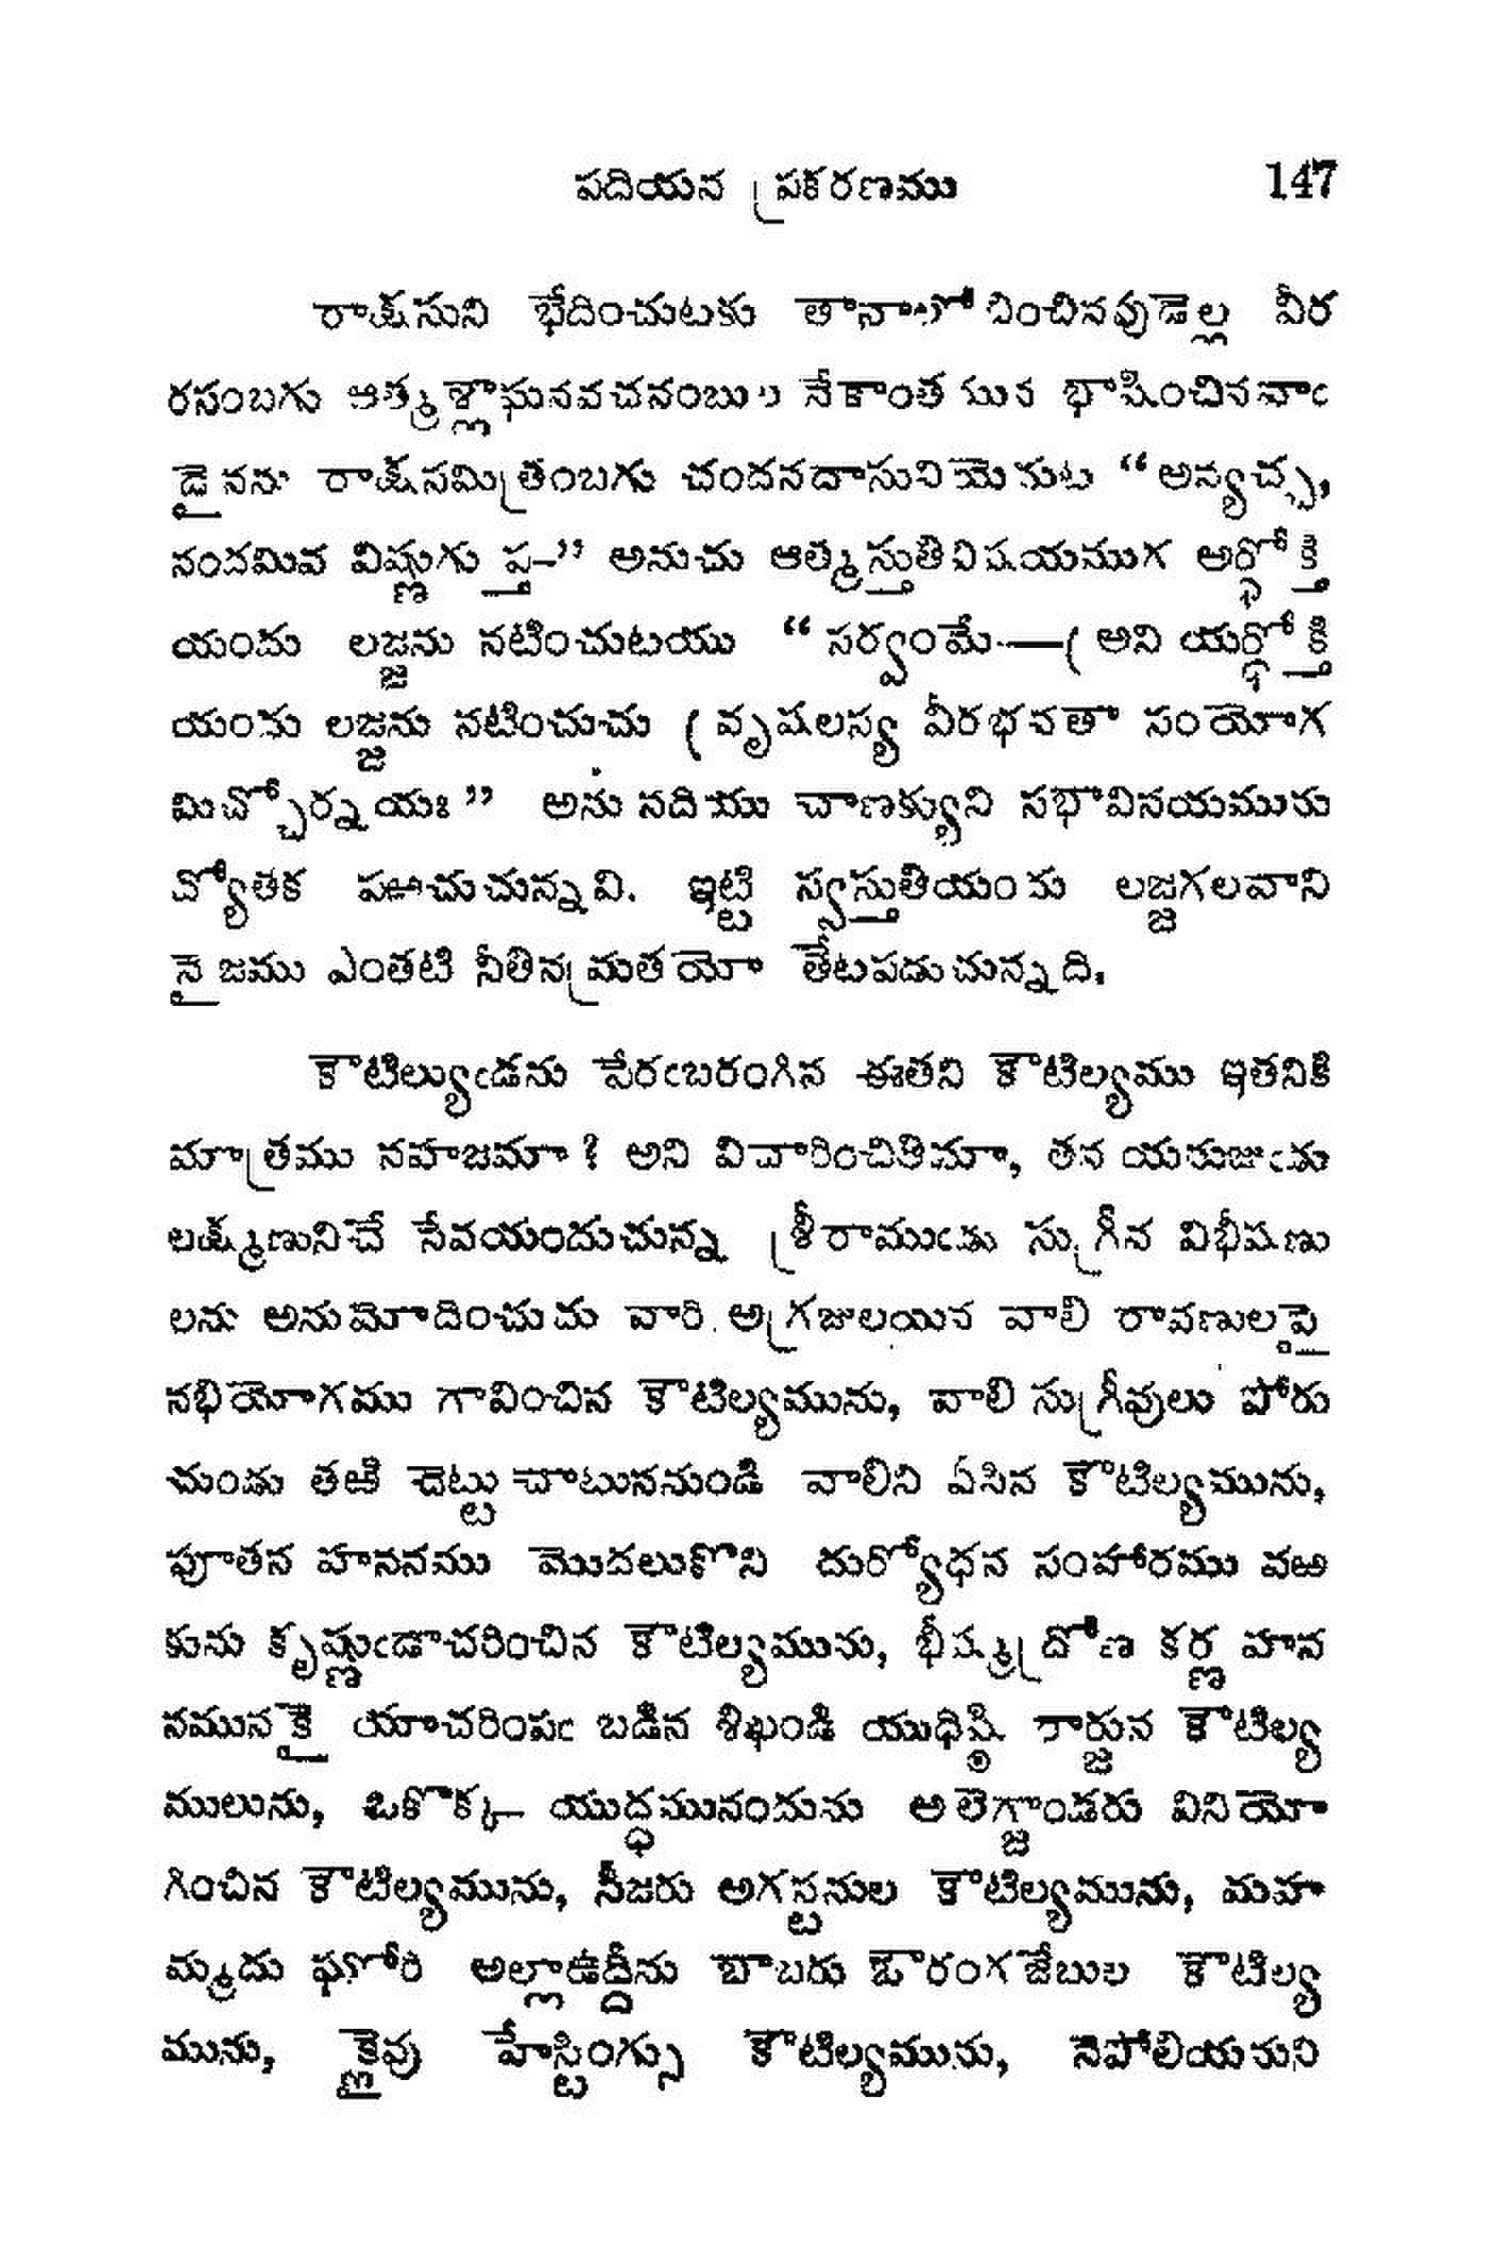రాక్షసుని భేదించుటకు తానాలోచించినపుడెల్ల వీర రసంబగు ఆత్మశ్లాఘనవచనంబుల నేకాంతమునన భాషించినవాఁ డైనను రాక్షసమిత్రంబగు చందనదాసుని యెదుట “అస్యచ్చ, నందమివ విష్ణుగుప్త" అనుచు ఆత్మస్తుతి విషయముగ అర్ధోక్తి యందు లజ్జను నటించుటయు "సర్వంమే. — అని యర్ధోక్తి యందు లజ్జను నటించుచు (వృషలస్య వీరభవతా సంయోగ మిచ్చోర్నయః" అను నదియు చాణక్యుని సభావినయమును ద్యోతక పఱుచున్నవి. ఇట్టి స్వస్తుతియందు లజ్జిగలవాని నైజము ఎంతటి నీతినమ్రతయో తేటపడుచున్నది.

కౌటిల్యుఁడను పేరఁబరంగిన ఈతని కౌటిల్యము ఇతనికి మాత్రము సహజమా? అని విచారించితిమా, తన యనుజుఁడు లక్ష్మణునిచే సేవయందుచున్న శ్రీరాముఁడు సుగ్రీవ విభీషణులను అనుమోదించుచు వారి. అగ్రజులయిన వాలి రావణులపై నభియోగము గావించిన కౌటిల్యమును, వాలి సుగ్రీవులు పోరు చుండు తఱి చెట్టు చాటుననుండి వాలిని ఏసిన కౌటిల్యమును, పూతన హననము మొదలుకొని దుర్యోధన సంహారము వఱకును కృష్ణుఁడాచరించిన కౌటిల్యమును, భీష్మద్రోణ కర్ల హననమునకై యాచరింపఁ బడిన శిఖండి యుధిష్ఠి. రార్జున కౌటిల్యములును, ఒకొక్క యుద్ధమునందును అలెగ్జాండరు వినియోగించిన కౌటిల్యమును, సీజరు అగస్టసుల కౌటిల్యమును, మహమ్మదు ఘోరి అల్లాఉద్దీను బాబరు ఔరంగజేబుల కౌటిల్యమును, క్లైవు హేస్టింగ్సు కౌటిల్యమును, నెపోలియనుని